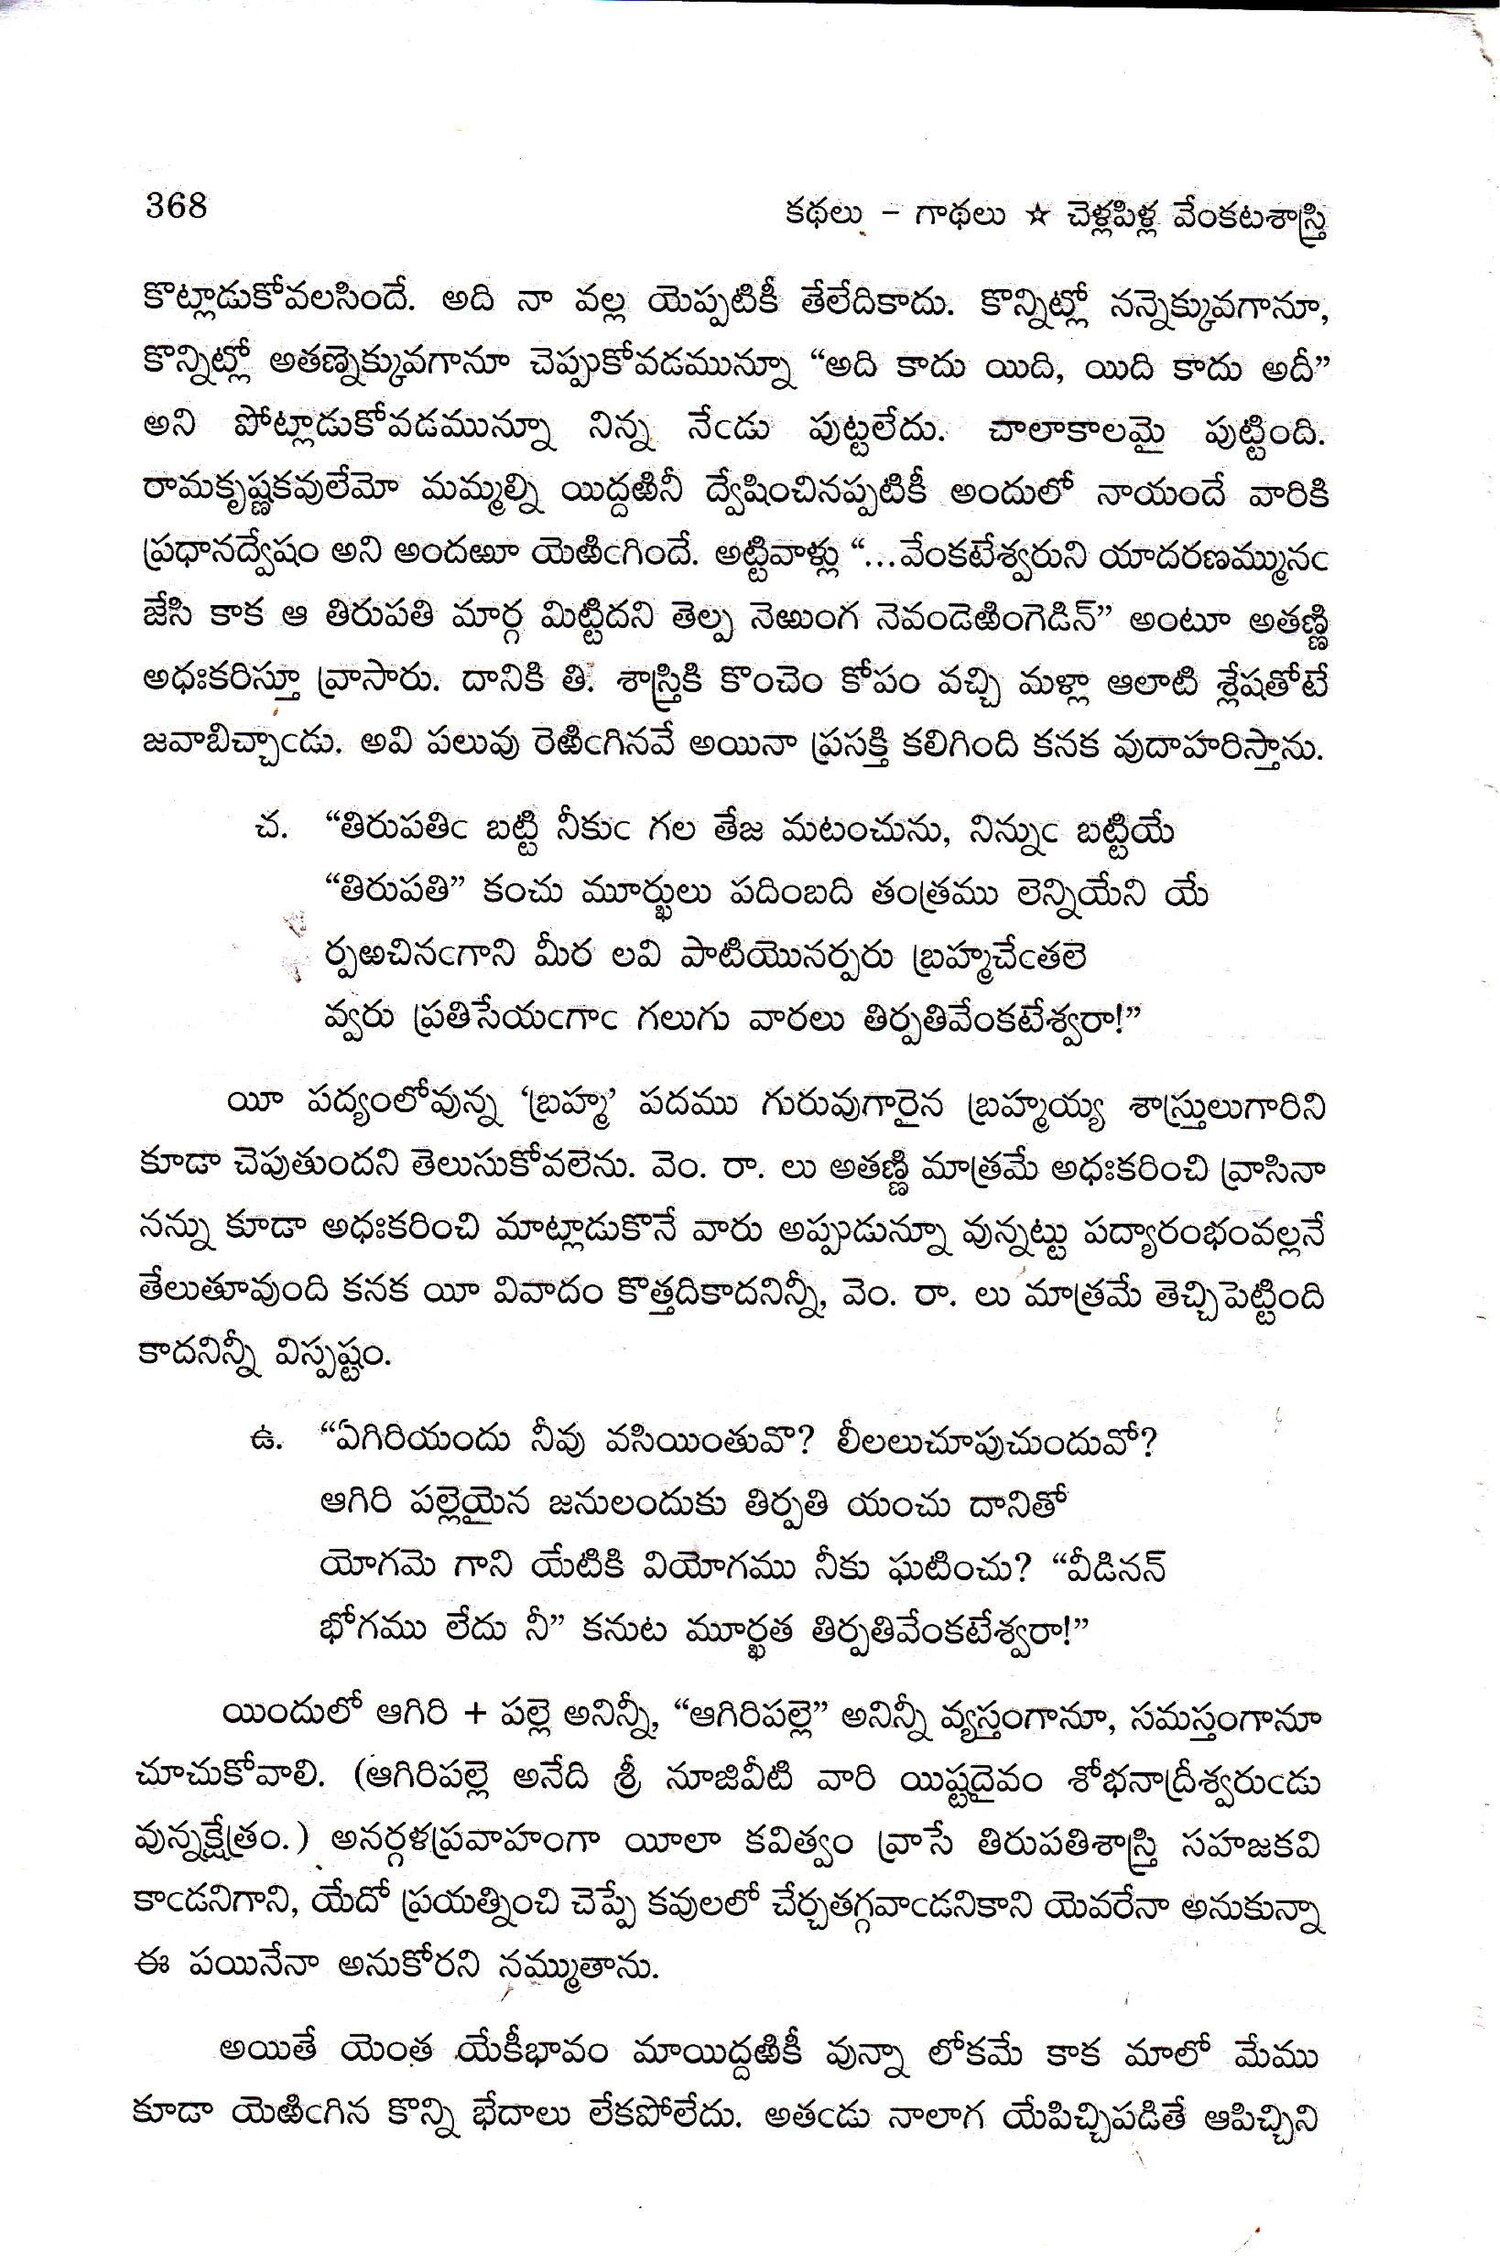కొట్లాడుకోవలసిందే. అది నా వల్ల యెప్పటికీ తేలేదికాదు. కొన్నిట్లో నన్నెక్కువగానూ, కొన్నిట్లో అతణ్నెక్కువగానూ చెప్పుకోవడమున్నూ "అది కాదు యిది, యిది కాదు అదీ" అని పోట్లాడుకోవడమున్నూ నిన్న నేఁడు పుట్టలేదు. చాలాకాలమై పుట్టింది. రామకృష్ణకవులేమో మమ్మల్ని యిద్దఱినీ ద్వేషించినప్పటికీ అందులో నాయందే వారికి ప్రధానద్వేషం అని అందఱూ యెఱిఁగిందే. అట్టివాళ్లు “...వేంకటేశ్వరుని యాదరణమ్మునఁ జేసి కాక ఆ తిరుపతి మార్గ మిట్టిదని తెల్ప నెఱుంగ నెవండెఱింగెడిన్” అంటూ అతణ్ణి అధఃకరిస్తూ వ్రాసారు. దానికి తి. శాస్త్రికి కొంచెం కోపం వచ్చి మళ్లా ఆలాటి శ్లేషతోటే జవాబిచ్చాఁడు. అవి పలువు రెఱిఁగినవే అయినా ప్రసక్తి కలిగింది కనక వుదాహరిస్తాను.

చ. "తిరుపతిఁ బట్టి నీకుఁ గల తేజ మటంచును, నిన్నుఁ బట్టియే
 "తిరుపతి" కంచు మూర్ఖులు పదింబది తంత్రము లెన్నియేని యే
 ర్పఱచినఁగాని మీర లవి పాటియొనర్పరు బ్రహ్మచేఁతలె 
 వ్వరు ప్రతిసేయఁగాఁ గలుగు వారలు తిర్పతివేంకటేశ్వరా!"
యీ పద్యంలోవున్న ‘బ్రహ్మ' పదము గురువుగారైన బ్రహ్మయ్య శాస్త్రులుగారిని కూడా చెపుతుందని తెలుసుకోవలెను. వెం. రా. లు అతణ్ణి మాత్రమే అధఃకరించి వ్రాసినా నన్ను కూడా అధఃకరించి మాట్లాడుకొనే వారు అప్పడున్నూ వున్నట్టు పద్యారంభంవల్లనే తేలుతూవుంది కనక యీ వివాదం కొత్తదికాదనిన్నీ వెం. రా. లు మాత్రమే తెచ్చిపెట్టింది కాదనిన్నీ విస్పష్టం.

ఉ. “ఏగిరియందు నీవు వసియింతువొ? లీలలుచూపుచుందువో? 
 ఆగిరి పల్లెయైన జనులందుకు తిర్పతి యంచు దానితో 
 యోగమె గాని యేటికి వియోగము నీకు ఘటించు? “వీడినన్ 
 భోగము లేదు నీ" కనుట మూర్ఖత తిర్పతివేంకటేశ్వరా!"
యిందులో ఆగిరి + పల్లె అనిన్నీ “ఆగిరిపల్లె" అనిన్నీ వ్యస్తంగానూ, సమస్తంగానూ చూచుకోవాలి. (ఆగిరిపల్లె అనేది శ్రీ నూజివీటి వారి యిష్టదైవం శోభనాద్రీశ్వరుఁడు వున్న క్షేత్రం.) అనర్గళప్రవాహంగా యీలా కవిత్వం వ్రాసే తిరుపతిశాస్త్రి సహజకవి కాఁడనిగాని, యేదో ప్రయత్నించి చెప్పే కవులలో చేర్చతగ్గవాఁడనికాని యెవరేనా అనుకున్నా ఈ పయినేనా అనుకోరని నమ్ముతాను.

అయితే యెంత యేకీభావం మాయిద్దఱికీ వున్నా లోకమే కాక మాలో మేము కూడా యెఱిఁగిన కొన్ని భేదాలు లేకపోలేదు. అతఁడు నాలాగ యేపిచ్చిపడితే ఆపిచ్చిని